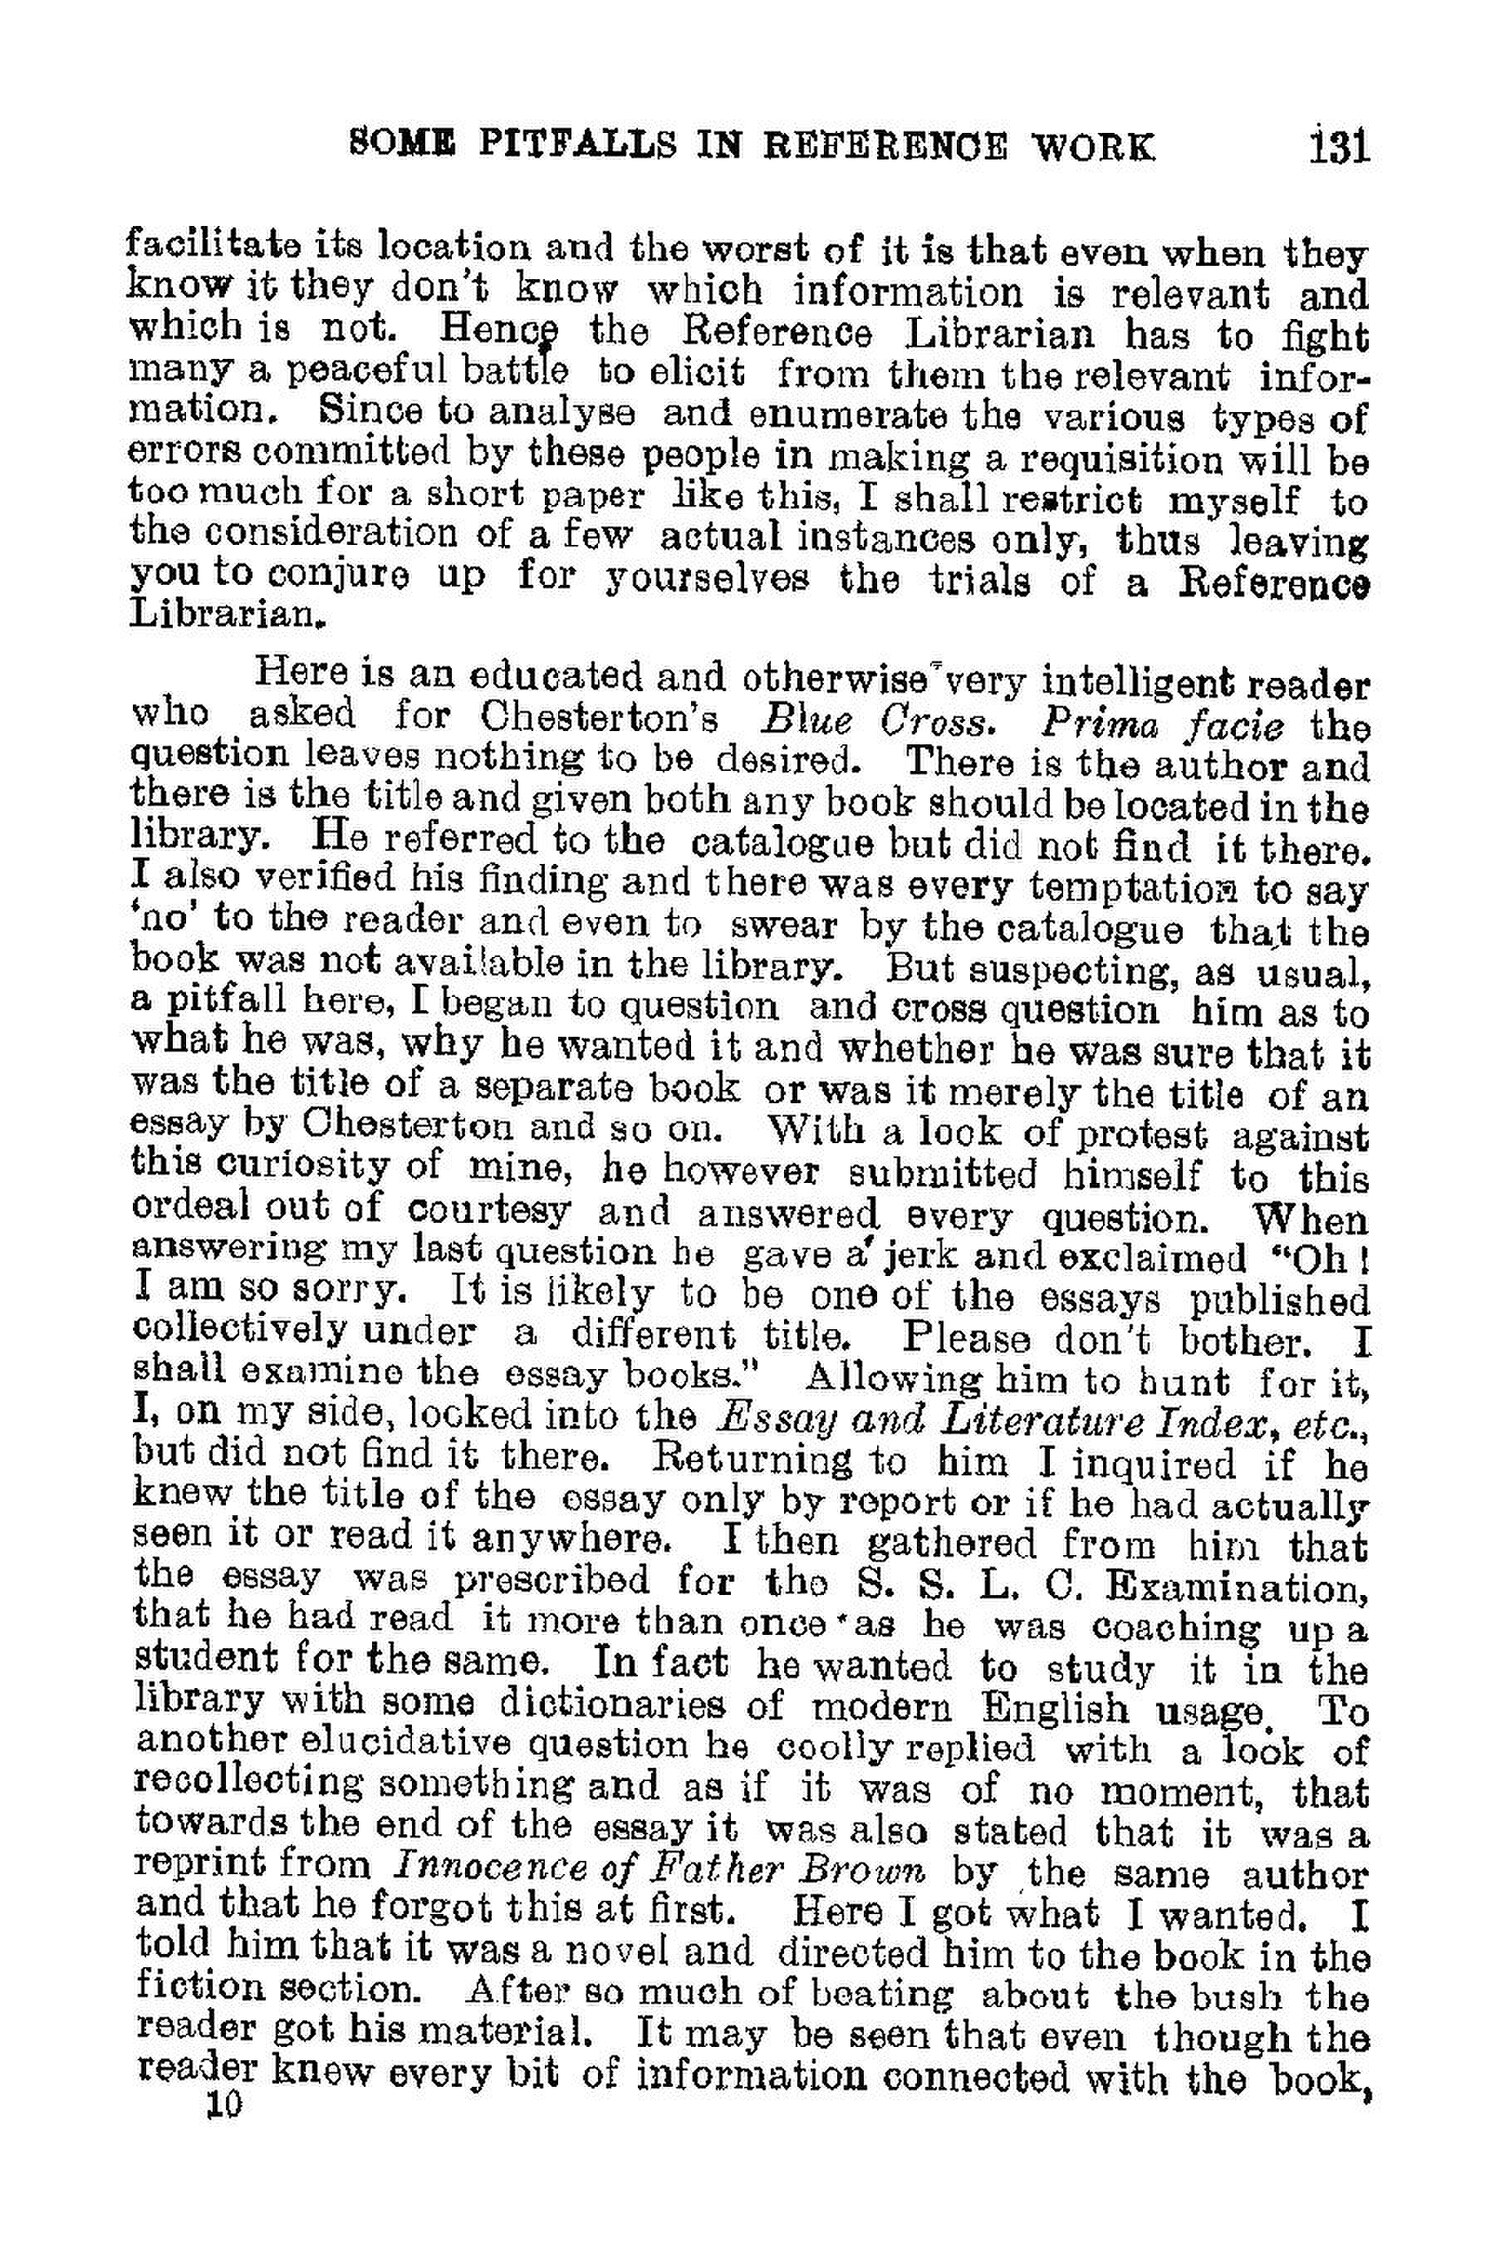facilitate its location and the worst of it is that even when they
know it they don't know which information is relevant and
which is not. Hence the Reference Librarian has to fight
many a peaceful battle to elicit from them the relevant infor-
mation. Since to analyse and enumerate the various types of
errors committed by these people in making a requisition will be
too much for a short paper like this, I shall restrict myself to
the consideration of a few actual instances only, thus leaving
you to conjure up for yourselves the trials of a Reference
Librarian.

Here is an educated and otherwise very intelligent reader
who asked for Chesterton's Blue Cross. Prima facie the
question leaves nothing to be desired. There is the author and
there is the title and given both any book should be located in the
library. He referred to the catalogue but did not find it there.
I also verified his finding and there was every temptation to say
'no' to the reader and even to swear by the catalogue that the
book was not available in the library. But suspecting, as usual,
a pitfall here, I began to question and cross question him as to
what he was, why he wanted it and whether he was sure that it
was the title of a separate book or was it merely the title of an
essay by Chesterton and so on. With a look of protest against
this curiosity of mine, he however submitted himself to this
ordeal out of courtesy and answered every question. When
answering my last question he gave a jerk and exclaimed "Oh!
I am so sorry. It is likely to be one of the essays published
collectively under a different title. Please don't bother. I
shall examine the essay books." Allowing him to hunt for it,
I, on my side, locked into the Essay and Literature Index, etc.,
but did not find it there. Returning to him I inquired if he
knew the title of the essay only by report or if he had actually
seen it or read it anywhere. I then gathered from him that
the essay was prescribed for the S.S.L.C. Examination,
that he had read it more than once as he was coaching up a
student for the same. In fact he wanted to study it in the
library with some dictionaries of modern English usage. To
another elucidative question he coolly replied with a look of
recollecting something and as if it was of no moment, that
towards the end of the essay it was also stated that it was a
reprint from Innocence of Father Brown by the same author
and that he forgot this at first. Here I got what I wanted. I
told him that it was a novel and directed him to the book in the
fiction section. After so much of beating about the bush the
reader got his material. It may be seen that even though the
reader knew every bit of information connected with the book,